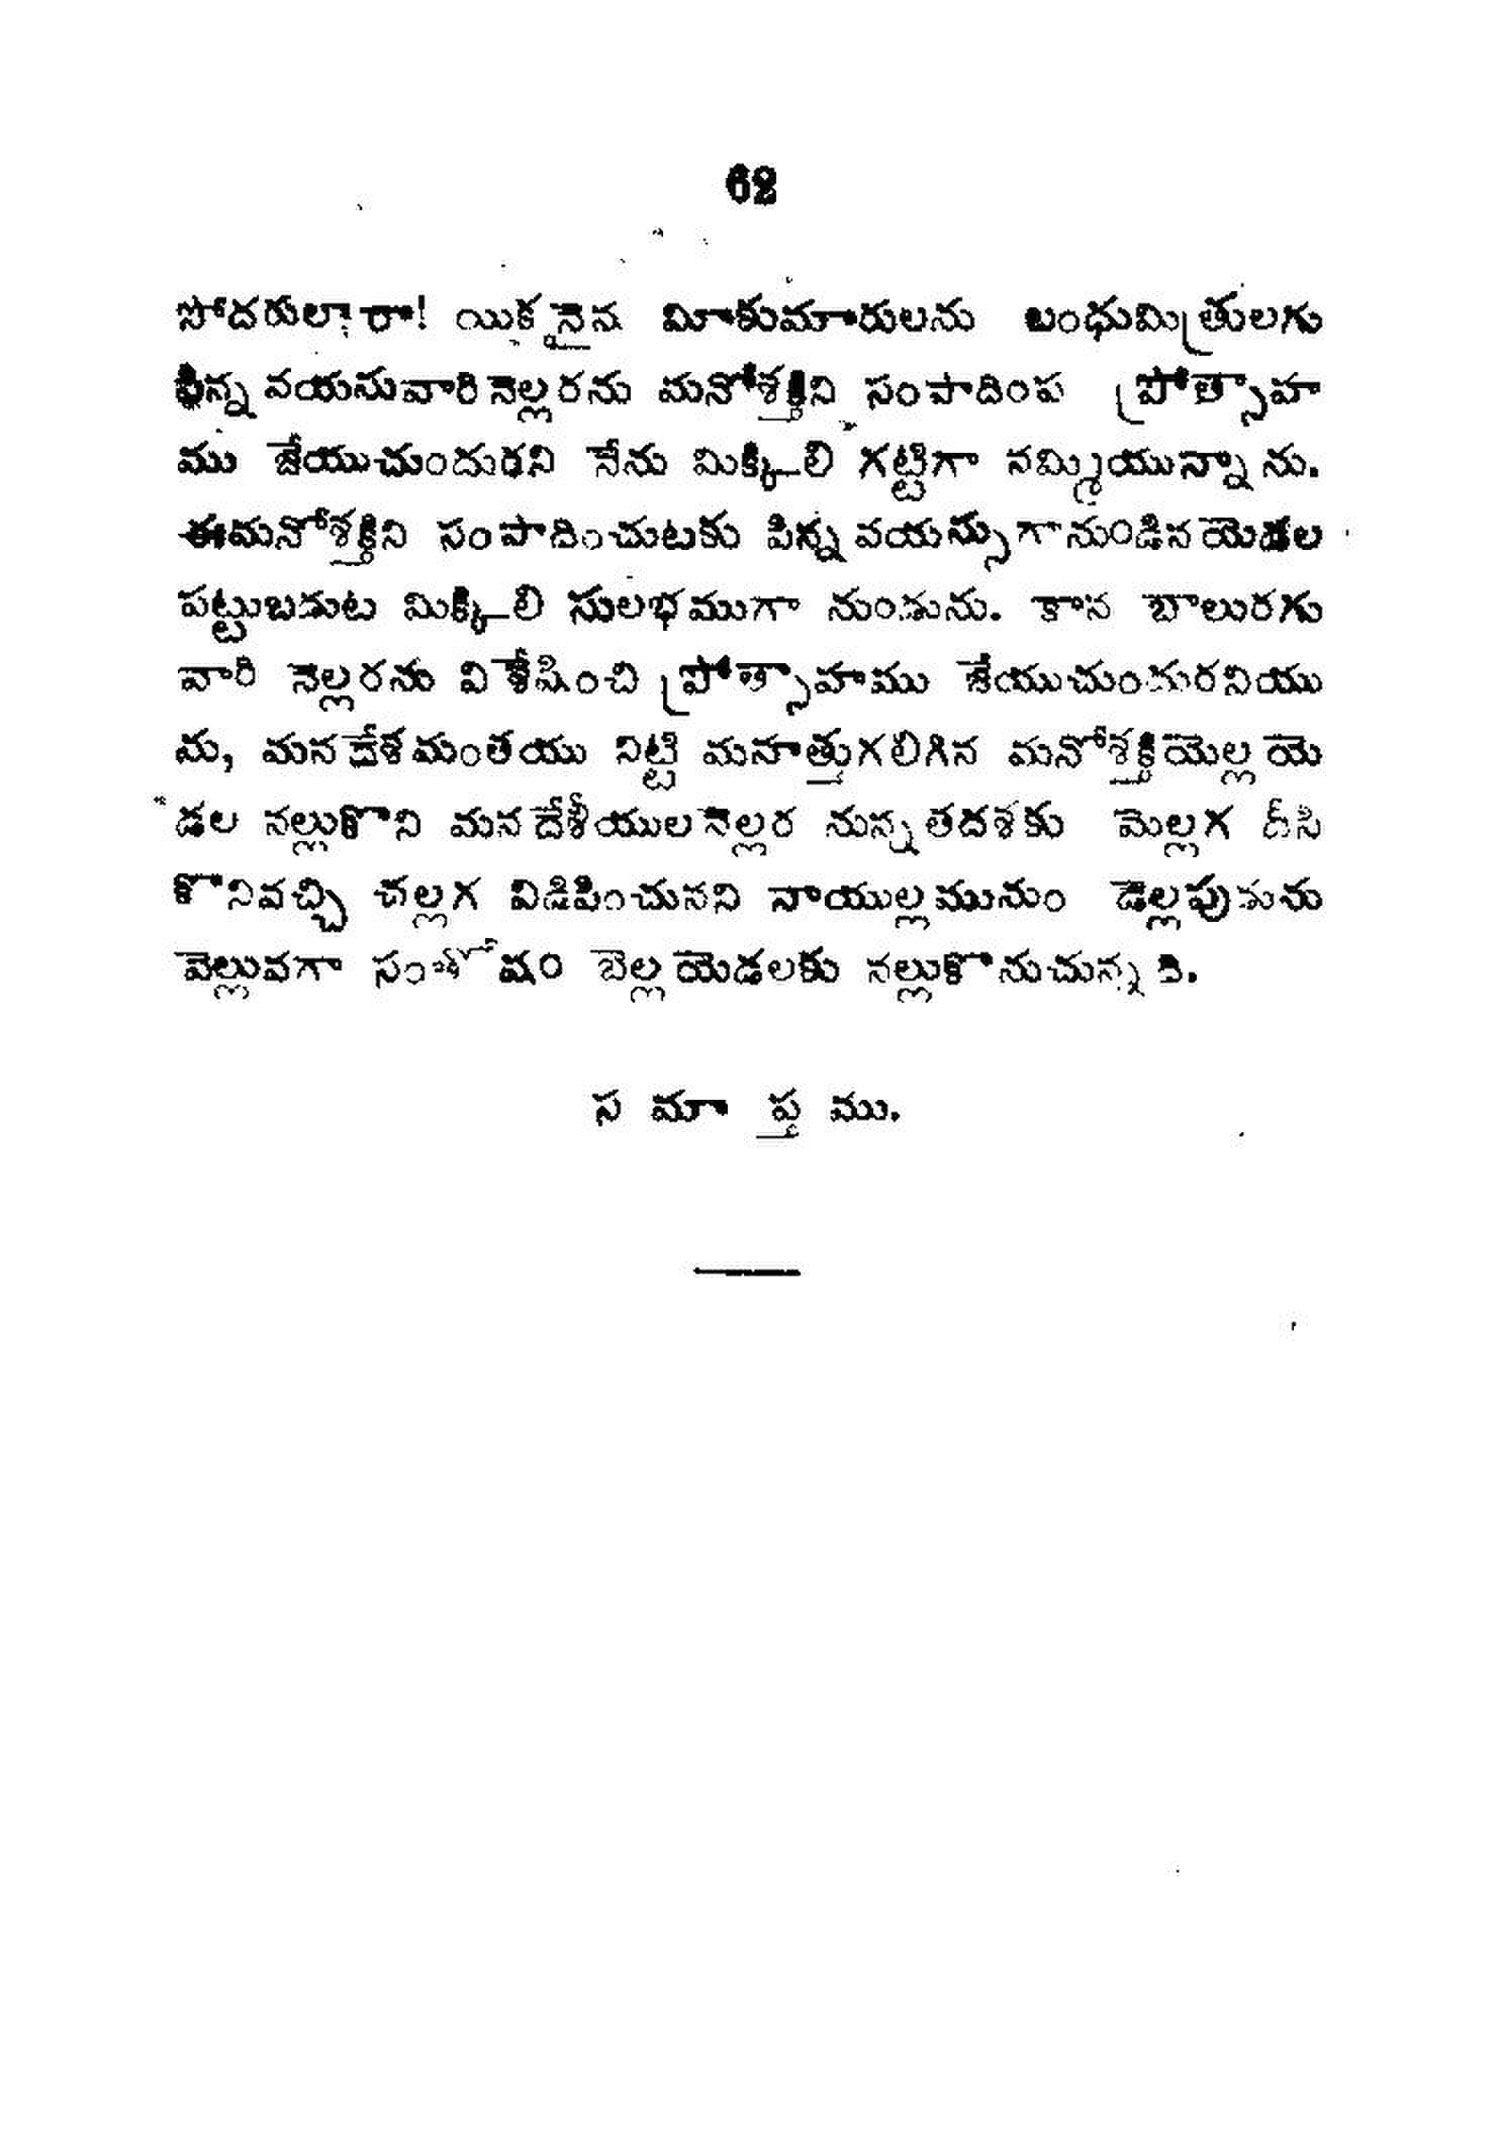సోదరులారా! యికనైన మీకుమారులను బంధుమిత్రులగు పిన్న వయసువారినెల్లరను మనోశక్తిని సంపాదింప ప్రోత్సాహము జేయుచుందురని నేను మిక్కిలి గట్టిగా నమ్మియున్నాను. ఈమనోశక్తిని సంపాదించుటకు పిన్న వయస్సుగానుండినయెడల పట్టుబడుట మిక్కిలి సులభముగా నుండును. కాన బాలురగు వారి నెల్లరను విశేషించి ప్రోత్సాహము జేయుచుందురనియును, మనదేశమంతయు నిట్టి మహత్తుగలిగిన మనోశక్తియెల్లయెడల నల్లుకొని మనదేశీయులనెల్లర నున్నతదశకు మెల్లగ దీసికొనివచ్చి చల్లగ విడిపించునని నాయుల్లమునుం డెల్లపుడును వెల్లువగా సంతోషం బెల్లయెడలకు నల్లుకొనుచున్నది.